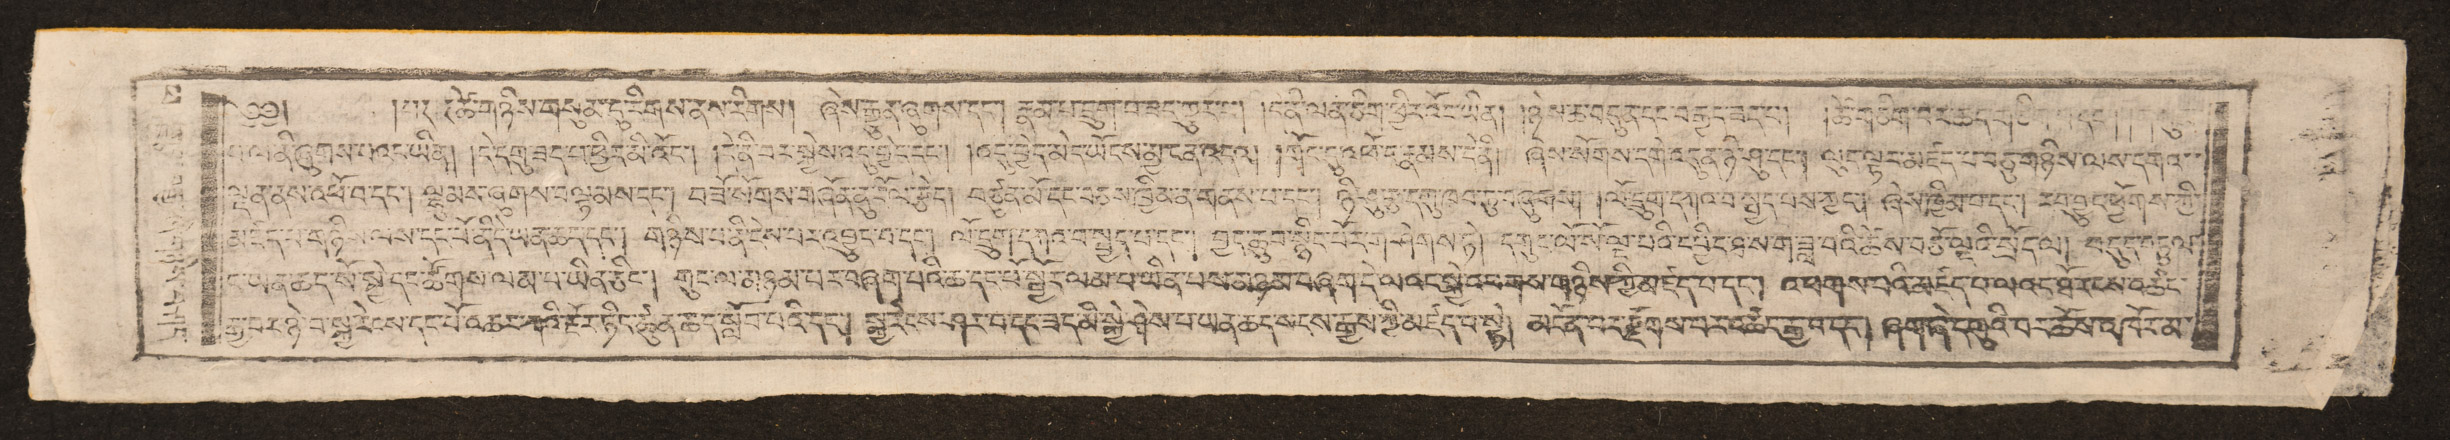༄༅། །པ༑ ༑ཚེ་གཉིས་གསུམ་དུ་རིགས་ནས་རིགས། ཞེས་རྒྱུན་ཞུགས་དང་། རྣམ་པ་དྲུག་བཟང་གྱུར་པ། །དེ་ནི་ལན་ཅིག་ཕྱིར་འོང་ཡིན། །ཉེས་ཆ་བདུན་དང་བརྒྱད་ཟད་པ། །ཚེ་གཅིག་བར་ཆད་གཅིག་པ་དང་། །གསུམ་
པ་ལ་ནི་ཞུགས་པའང་ཡིན། །དེ་དགུ་ཟད་པ་ཕྱིར་མི་འོང་། །དེ་ནི་བར་སྐྱེས་འདུ་བྱེད་དང་། །འདུ་བྱེད་མེད་ཡོངས་མྱ་ངན་འདའ། །གོང་དུ་འཕོ་བ་རྣམས་དེ་ནི། ཞེས་སོགས་དགེ་འདུན་ཉི་ཤུ་དང་། ལུད་ལྟར་མཛད་པ་བཅུ་གཉིས་ལས་དགའ་
ལྡན་ནས་འཕོ་བ་དང་། ལྷུམས་ཞུགས་བལྟམས་དང་། བཟོ་སོགས་གཞོན་ནུ་རོལ་རྩེད། བཙུན་མོ་དང་བཅས་ཁྱིམ་ན་གནས་པ་དང་། ཉི་ཤུ་རྩ་དགུ་ཁབ་ཏུ་བཞུགས། །ལོ་དྲུག་དཀའ་བ་སྤྱད་པས་ཀྱང་། ཞེས་ཁྱིམ་པ་དང་། རབ་བྱུང་ཕྱོགས་ཀྱི་
མཛད་པ་གཉིས་ལས་དང་པོ་ནི་དེ་ཡན་ཆད་དང་། གཉིས་པ་ནི་ངེས་པར་འབྱུང་བ་དང་། ལོ་དྲུག་དཀའ་བ་སྤྱད་པ་དང་། བྱང་ཆུབ་སྙིང་པོར་གཤེགས་ཏེ། དགུང་ལོ་སོ་ལྔ་པའི་དཔྱིད་ཐ་ས་ག་ཟླ་བའི་ཚེས་བཅོ་ལྔའི་སྲོད་ལ། བདུད་བཏུལ་
བ་ཡན་ཆད་སོ་སྐྱེ་དང་ཚོགས་ལམ་པ་ཡིན་ཅིང་། གུང་ལ་མཉམ་པར་བཞག་པའི་ཆ་དང་པོ་སྦྱོར་ལམ་པ་ཡིན་པས་མཉམ་བཞག་དེ་ལའང་སྐྱེ་འཕགས་གཉིས་ཀྱི་མཛད་པ་དང་། འཕགས་པའི་མཛད་པ་ལའང་ཐོ་རངས་འཚང་
རྒྱ་བར་ཉེ་བ་སྐྱ་རེངས་དང་པོ་འཆར་ཀའི་རྡོར་ཏིང་ཚུན་ཆད་སློབ་པའི་དང་། སྐྱ་རེངས་ཤར་བ་དང་ཟད་མི་སྐྱེ་ཤེས་པ་ཡན་ཆད་སངས་རྒྱས་ཀྱི་མཛད་པ་སྟེ། མངོན་པར་རྫོགས་པར་འཚང་རྒྱ་བ་དང་། ཞག་ཞེ་དགུའི་བར་ཆོས་འཁོར་མ་